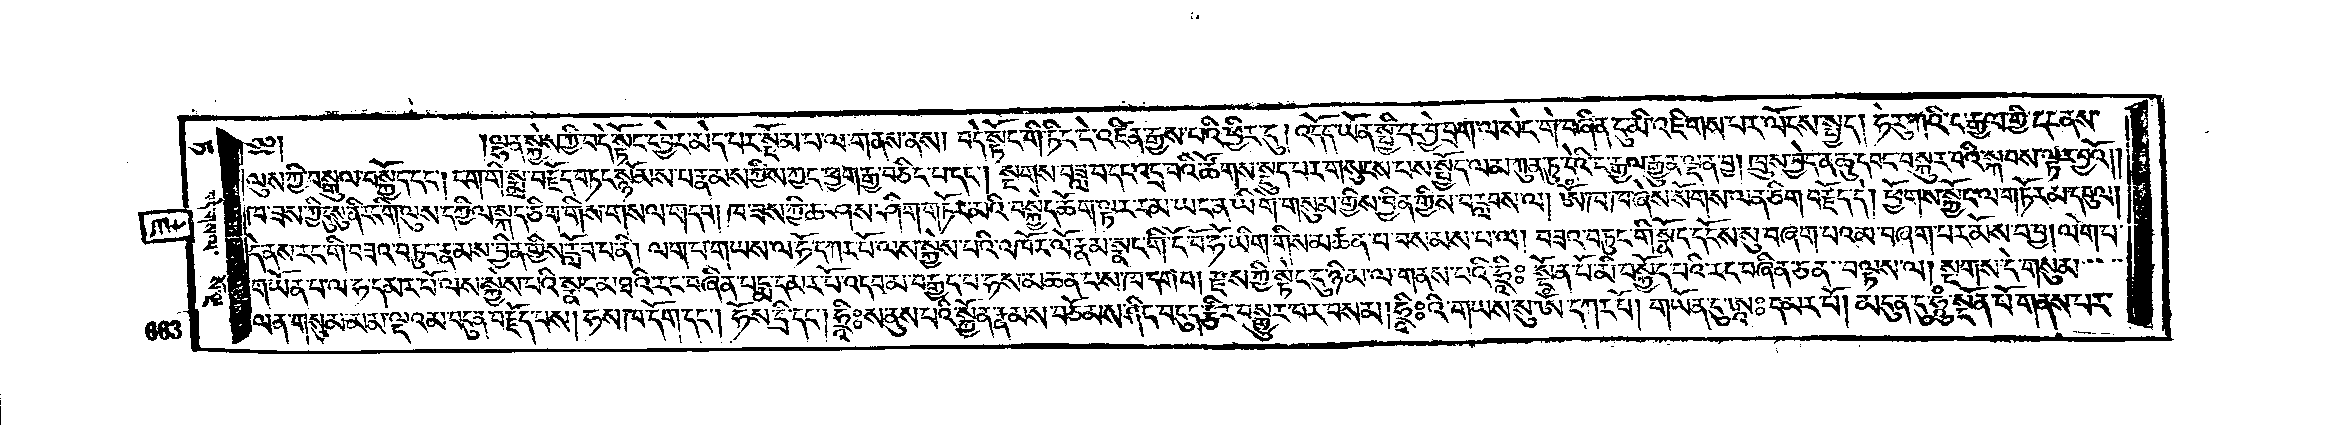༄༅། །ལྷན་སྐྱེས་ཀྱི་བདེ་སྟོང་དབྱེར་མེད་པར་སྡོམ་པ་ལ་གནས་ནས། བདེ་སྟོང་གི་ཏིང་ངེ་འཛིན་རྒྱས་པའི་ཕྱིར་དུ། འདོད་ཡོན་སྤྱི་དང་བྱེ་བྲག་ལ་སེང་གེ་བཞིན་དུ་མི་འཇིགས་པར་ལོངས་སྤྱད། ཧེ་རུ་ཀའི་ང་རྒྱལ་གྱི་ངང་ནས་
ལུས་ཀྱི་བསྒུལ་བསྐྱོད་དང་། ངག་གི་སྨྲ་བརྗོད་བཏང་སྙོམས་པ་རྣམས་ཀྱིས་ཀྱང་ཕྱག་རྒྱ་བཅིང་པ་དང་། སྔགས་བཟླ་བ་དང་འདྲ་བའི་ཚོགས་སྡུད་པར་གསུངས་པས་སྤྱོད་ལམ་ཀུན་ཏུ་དེའི་ང་རྒྱལ་རྒྱུན་ལྡན་བྱ། ཁྲུས་བྱེད་ན་ཆུ་དབང་བསྐུར་བའི་སྐབས་ལྟར་བྱའོ། །
ཁ་ཟས་ཀྱི་དུས་སུ་ནི་རང་གི་ལུས་དཀྱིལ་སྐད་ཅིག་གིས་གསལ་གདབ། ཁ་ཟས་ཀྱི་ཆ་ཤས་ཤིག་གཏོར་མའི་བསྐྱེད་ཆོག་ལྟར་རམ་ཡང་ན་ཡི་གེ་གསུམ་གྱིས་བྱིན་གྱིས་བརླབས་ལ། ཨོཾ་ཁ་ཁ་ཞེས་སོགས་ལན་ཅིག་བརྗོད་དེ། ཕྱོགས་སྐྱོང་ལ་གཏོར་མ་དབུལ།
དེ་ནས་རང་གི་བཟའ་བཏུང་རྣམས་བྱིན་གྱིས་རློབ་པ་ནི། ལག་པ་གཡས་ལ་ཧོ་དཀར་པོ་ལས་སྐྱེས་པའི་འཁོར་ལོ་རྣམ་སྣང་གི་ངོ་བོ་ཧོ་ཡིག་གིས་མཚན་པ་བསམས་པ་ལ། བཟའ་བཏུང་གི་སྣོད་དངོས་སུ་བཞག་པའམ་བཞག་པར་མོས་བ་བྱ། ལག་པ་
གཡོན་པ་ལ་ཧ་དམར་པོ་ལས་སྐྱེས་པའི་སྣང་མཐའི་རང་བཞིན་པདམ་དམར་པོ་འདབ་མ་བརྒྱད་པ་ཧས་མཚན་པས་ཁ་དགབ། རྫས་ཀྱི་སྟེང་དུ་ཉི་མ་ལ་གནས་པའི་ཧྲཱིཿ སྔོན་པོ་མི་བསྐྱོད་པའི་རང་བཞིན་ཅན་བལྟས་ལ། སྔགས་དེ་གསུམ་
ལན་གསུམ་མམ་ལྔའམ་བདུན་བརྗོད་པས། ཧས་ཁ་དོག་དང་། ཧོས་དྲི་དང་། ཧྲཱིཿ ས་ནུས་པའི་སྐྱོན་རྣམས་བཅོམས་ཤིང་བདུད་རྩིར་བསྒྱུར་བར་བསམ། ཧྲཱིཿ འི་གཡས་སུ་ཨོཾ་དཀར་པོ། གཡོན་དུ་ཨཱཿ དམར་པོ། མདུན་དུ་ཧཱུཾ་སྔོན་པོ་གནས་པར་